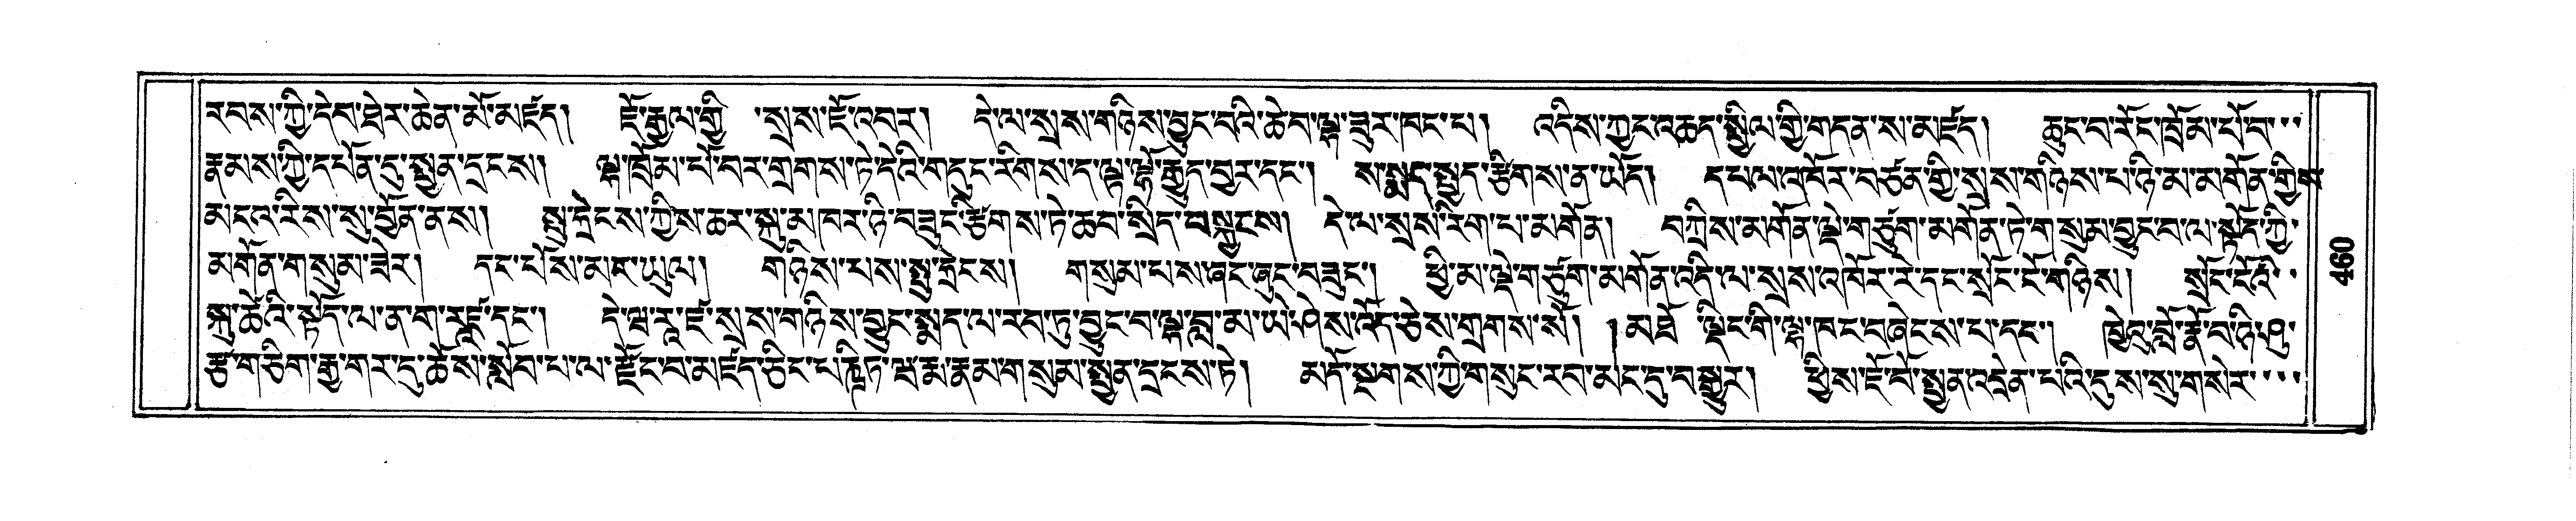རབས་ཀྱི་དེབ་ཐེར་ཆེན་མོ་མཛད། ཇོ་རྒྱལ་གྱི། སྲས་ཇོ་འབར། དེ་ལ་སྲས་གཉིས་བྱུང་བའི་ཆེ་བ་ལྷ་ཟུར་ཁང་པ། འདིས་ཀྱང་འཆད་སྤྱིལ་གྱི་གདན་ས་མཛད། ཆུང་བ་རོང་ཁྲོམ་པོ་བ་
རྣམས་ཀྱི་དཔོན་དུ་སྤྱན་དྲངས། ལྷ་ཁྲོམ་པོ་བར་གྲགས་ཏེ་དེའི་གདུང་རིགས་ད་ལྟ་ལྷོ་རྒྱུད་བྱར་དང་། ས་སྨད་སྤྱད་རྩིགས་ན་ཡོད། དཔལ་འཁོར་བཙན་གྱི་སྲས་གཉིས་པ་ཉི་མ་མགོན་གྱིས་
མངའ་རིས་སུ་བྱོན་ནས། སྤུ་ཧྲེངས་ཀྱིས་ཆར་སྐུ་མཁར་ཉི་བཟུང་རྩིགས་ཏེ་ཆབ་སྲིད་བསྐྱངས། དེ་ལ་སྲས་རིག་པ་མགོན། བཀྲིས་མགོན་ལྡེ་གཙུག་མགོན་ཏེ་གསུམ་བྱུང་བ་ལ་སྟོད་ཀྱི་
མགོན་གསུམ་ཟེར། དང་པོས་མང་ཡུལ། གཉིས་པས་སྤུ་ཧྲེངས། གསུམ་པས་ཞང་ཞུང་བཟུང་། ཕྱི་མ་ལྡེ་གཙུག་མགོན་འདི་ལ་སྲས་འཁོར་རེ་དང་སྲོང་ངོ་གཉིས། སྲོང་ངོའི་
སྐུ་ཚེའི་སྟོད་ལ་ན་ག་རཱཛ་དང་། དེ་ཝ་རཱ་ཛ་སྲས་གཉིས་བྱུང་སྨད་ལ་རབ་ཏུ་བྱུང་བ་ལྷ་བླ་མ་ཡེ་ཤེས་འོད་ཅེས་གྲགས་སོ། །མཐོ་ལྡིང་གི་ལྷ་ཁང་བཞེངས་པ་དང་། ཁྱེའུ་བློ་རྣོ་བ་ཉི་ཤུ་
རྩ་གཅིག་རྒྱ་གར་དུ་ཆོས་སློབ་པ་ལ་རྫོང་བ་མཛད་ཅིང་པཎྚི་ཏ་ཝརྨ་རྣམས་གསུམ་སྤྱན་དྲངས་ཏེ། མདོ་སྔགས་ཀྱི་གསུང་རབ་མང་དུ་བསྒྱུར། ཕྱིས་ཇོ་བོ་སྤྱན་འདྲེན་པའི་དུས་སུ་གསེར་